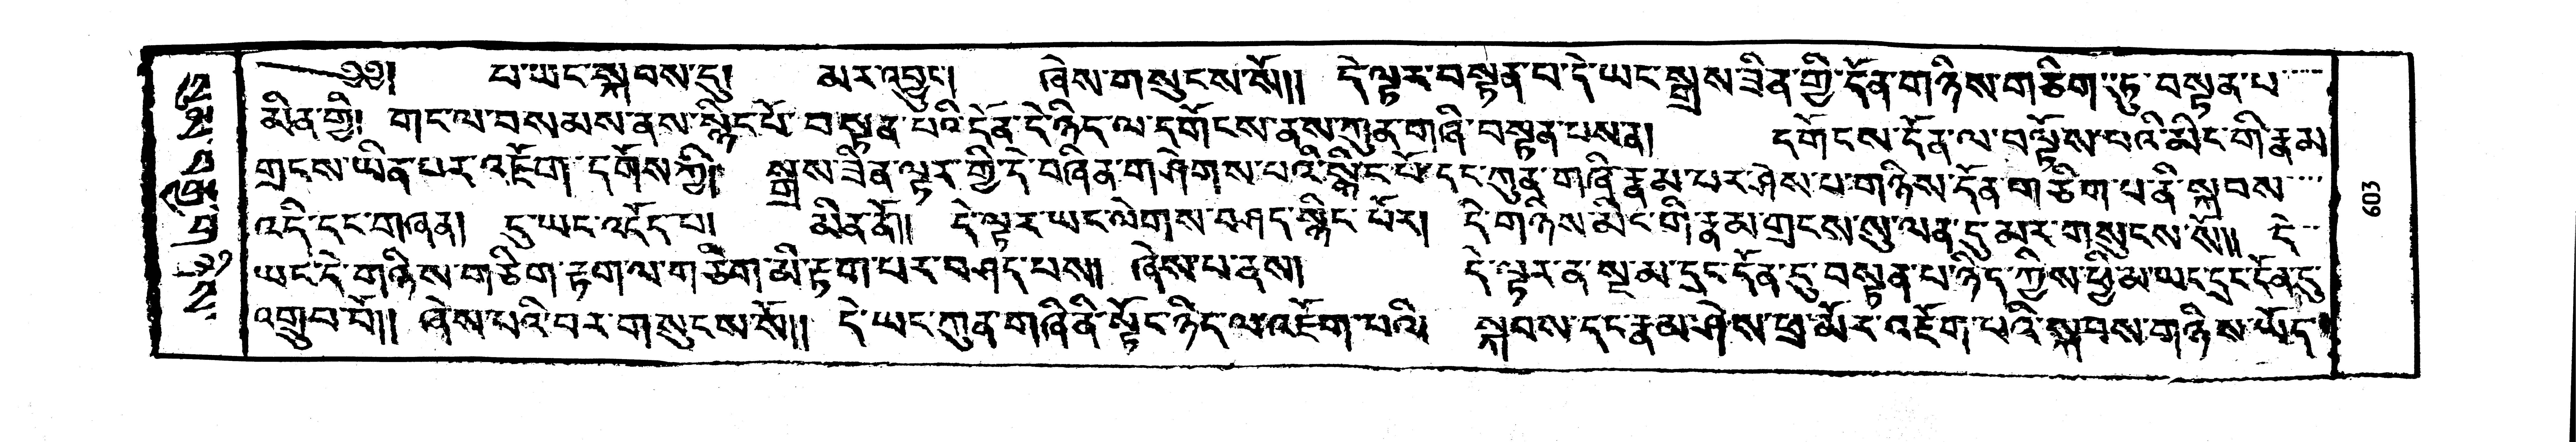༄༅། །པ་ཡང་སྐབས་དུ། མར་འབྱུང་། ཞེས་གསུངས་སོ།། དེ་ལྟར་བསྟན་པ་དེ་ཡང་སྒྲས་ཟིན་གྱི་དོན་གཉིས་གཅིག་ཏུ་བསྟན་པ་
མིན་གྱི། གང་ལ་བསམས་ནས་སྙིང་པོ་བསྟན་པའི་དོན་དེ་ཉིད་ལ་དགོངས་ནས་ཀུན་གཞི་བསྟན་པས་ན། དགོངས་དོན་ལ་བལྟོས་པའི་མིང་གི་རྣམ་
གྲངས་ཡིན་པར་འཇོག་དགོས་ཀྱི། སྒྲས་ཟིན་ལྟར་གྱི་དེ་བཞིན་གཤེགས་པའི་སྙིང་པོ་དང་ཀུན་གཞི་རྣམ་པར་ཤེས་པ་གཉིས་དོན་གཅིག་པ་ནི་སྐབས་
འདི་དང་གཞན། དུ་ཡང་འདོད་པ། མིན་ནོ།། དེ་ལྟར་ཡང་ལེགས་བཤད་སྙིང་པོར། དེ་གཉིས་མིང་གི་རྣམ་གྲངས་སུ་ལན་དུ་མར་གསུངས་སོ།། དེ་
ཡང་དེ་གཉིས་གཅིག་རྟག་ལ་གཅིག་མི་རྟག་པར་བཤད་པས། ཞེས་པ་ནས། དེ་ལྟར་ན་སྔ་མ་དྲང་དོན་དུ་བསྟན་པ་ཉིད་ཀྱིས་ཕྱི་མ་ཡང་དྲང་དོན་དུ་
འགྲུབ་བོ།། ཞེས་པའི་བར་གསུངས་སོ།། དེ་ཡང་ཀུན་གཞི་ནི་སྟོང་ཉིད་ལ་འཇོག་པའི། སྐབས་དང་རྣམ་ཤེས་ཕྲ་མོར་འཇོག་པའི་སྐབས་གཉིས་ཡོད་